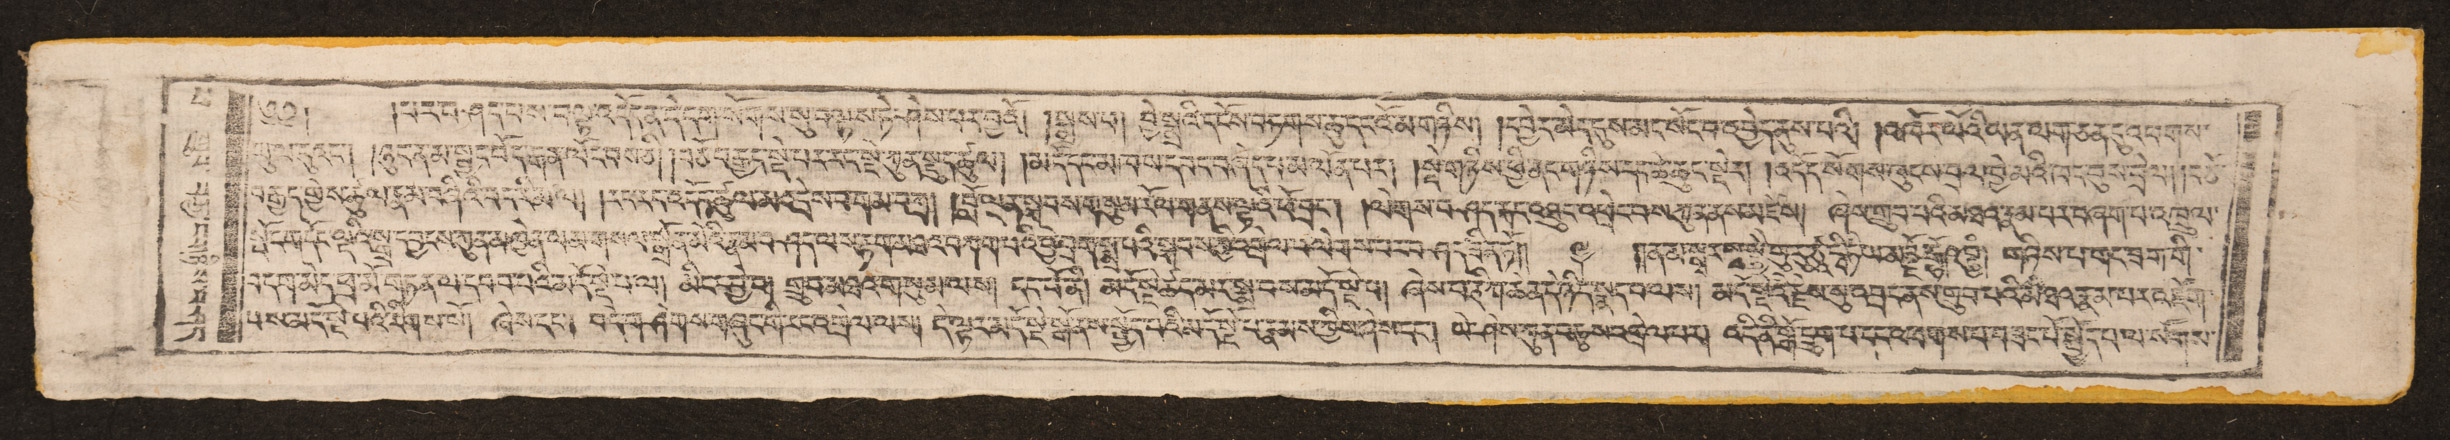༄༅། །པར་བཤད་པས་བལྟ་འདོད་ན་དེ་དག་སོགས་སུ་བལྟས་ཏེ་ཤེས་པར་བྱའོ། །སྨྲས་པ། བྱེ་སྨྲའི་དངོས་བཏགས་ཆུ་དང་འོ་མ་གཉིས། །དབྱེར་མེད་ཏུས་མང་སོང་བ་འབྱེད་ནུས་པའི། །འཁོར་ལོའི་ཡན་ལག་ཅན་དུ་འཕགས་
ཡུལ་དུའང་། །ཉུང་ན་མ་སྦྱང་བོང་རྒན་ལོང་བས་ཅི། །བཅོ་བརྒྱད་སྡེ་པར་རང་སྡེ་ཀུན་སྡུད་ཚུལ། །མདོ་དང་མཁས་དབང་བཞེད་པ་མ་ལོན་པར། །སྡེ་གཉིས་ཕྱི་ནང་གཉིས་དང་ཆེ་ཆུང་སྡེར། །འདོད་སོགས་ཁུངས་བྲལ་བྱེ་མའི་ཁང་བུས་བྲེལ། །བཅོ་
བརྒྱད་གྱིས་ཚུལ་རྣམ་བཞིའི་བང་རིམ་ལ། །རང་རང་འདོད་ཚུལ་མ་འདྲེས་བ་གམ་བཀྲ། །བློ་ལྡན་སྐབས་གསུམ་རོལ་གནས་ལྷའི་ཕོ་བྲང་། །ལེགས་བཤད་རྐང་འཐུང་འཕྲེང་བས་ཀུན་ནས་མཛེས། ཞེས་གྲུབ་པའི་མཐའ་རྣམ་པར་བཞག་པ་འཁྲུལ་
སྤོང་གདོང་ལྔའི་སྒྲ་དབྱངས་ཀུན་མཁྱེན་ལམ་གསལ་སྒྲོན་མེའི་རྣམ་བཤད་ལས་རྟག་མཐའ་བཀག་པའི་བྱེ་བྲག་སྨྲ་པའི་སྐབས་ཀྱི་འགྲེལ་པ་ལེགས་པར་བཤད་ཟིན་ཏོ།། ༈ །།ན་མ་སྶྭར་?་སྭསྦྱཻ་གུ་རུ་ཙཱདྭི་ཏི་ཡ་མཉྫོ་རྒྷོཥ་བྷྱཾ། གཉིས་པ་གང་ཟག་གི་
བདག་མེད་ཕྲ་མོ་གཏན་ལ་དབབ་པའི་མདོ་སྡེ་པ་ལ། མིང་དབྱེ་བ། གྲུབ་མཐའ་གསུམ་ལས། དང་པོ་ནི། མདོ་སྡེ་ཚད་མར་སྨྲ་བས་མདོ་སྡེ་པ། ཞེས་པ་ཊིཀ་ཆེན་དེ་ཉིད་སྣང་བ་ལས། མདོ་སྡེའི་རྗེས་སུ་འབྲང་ནས་གྲུབ་པའི་མཐའ་རྣམ་པར་འཇོག་
པས་མདོ་སྡེ་པའི་རིགས་སོ། ཞེས་དང་། བདེ་གཤེགས་གཞུང་གི་རང་འགྲེལ་ལས། དེ་ལྟར་མདོ་སྡེ་སྒོ་ནས་སྤྱོད་པའི་མདོ་སྡེ་པ་རྣམས་ཀྱིས་ཞེས་དང་། ཡེ་ཤེས་ཀུན་བཏུས་འགྲེལ་པར། འདི་ནི་སྒོ་དྲུག་པ་དང་འཕགས་པ་བཟང་པོ་སྤྱོད་པ་ལ་སོགས་